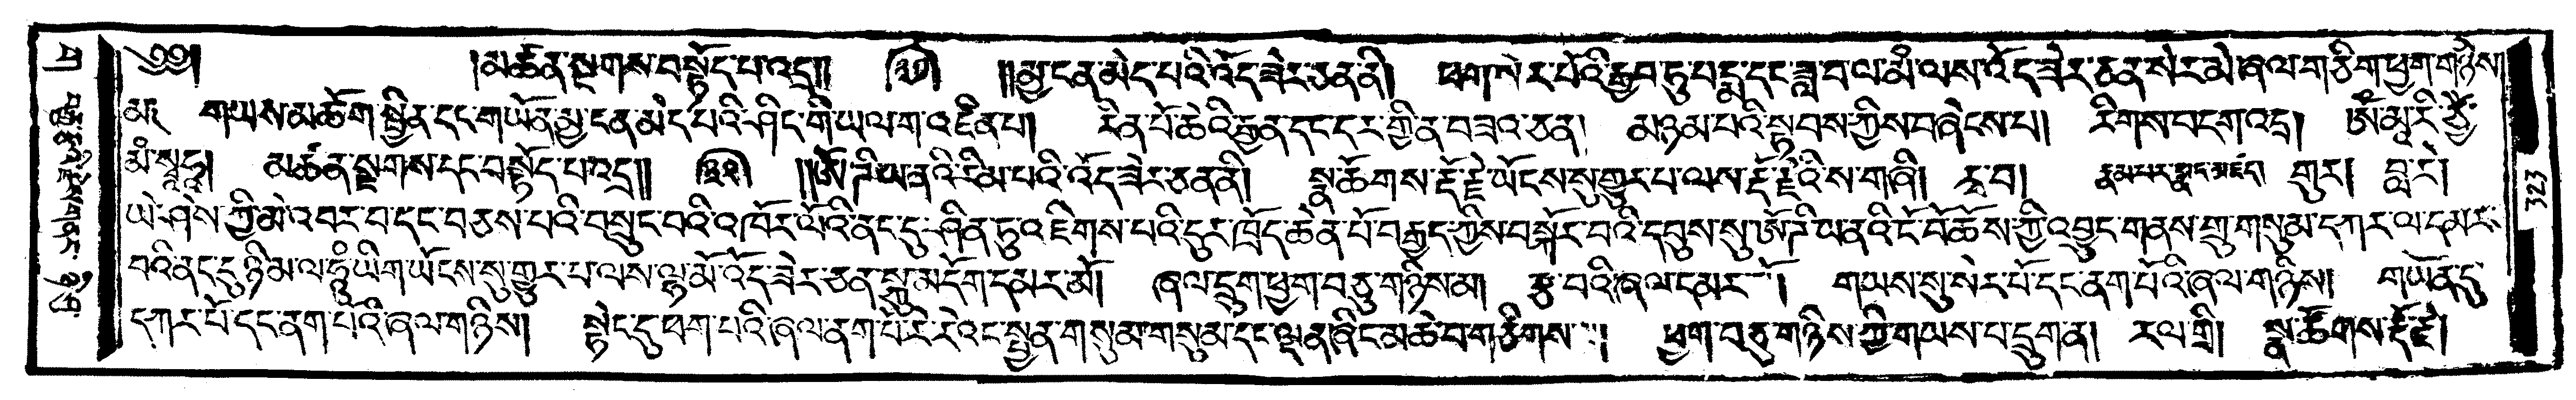༄༅། །མཚན་སྔགས་བསྟོད་པ་འདྲ།། ༣༡?་།།མྱ་ངན་མེད་པའི་འོད་ཟེར་ཅན་ནི། ཕག་སེར་པོའི་རྒྱབ་ཏུ་པདམ་དང་ཟླ་བ་ལ་མཾ་ལས་འོད་ཟེར་ཅན་སེར་མེ་ཞལ་གཅིག་ཕྱག་གཉིས་
མ༑ གཡས་མཆོག་སྦྱིན་དང་གཡོན་མྱ་ངན་མེད་པའི་ཤིང་གི་ཡལ་ག་འཛིན་པ། རིན་པོ་ཆེའི་རྒྱན་དང་དར་གྱི་ན་བཟའ་ཅན། མཉམ་པའི་སྟབས་ཀྱིས་བཞེངས་པ། རིགས་བདག་འདྲ། ཨོཾ་མཱ་རི་ཙྱཻ་
མཾ་སྭཱཧཱ། མཚན་སྔགས་དང་བསྟོད་པ་འདྲ།། ༣༢?་།།ཨོ་ཌི་ཡ་ནའི་རིམ་པའི་འོད་ཟེར་ཅན་ནི། སྣ་ཚོགས་རྡོ་རྗེ་ཡོངས་སུ་གྱུར་པ་ལས་རྡོ་རྗེའི་ས་གཞི། རྭ་བ། རྣམ་པར་སྣང་མཛད། གུར། བླ་རེ།
ཡེ་ཤེས་ཀྱི་མེ་འབར་བ་དང་བཅས་པའི་བསྲུང་བའི་འཁོར་ལོའི་ནང་དུ་ཤིན་ཏུ་འཇིགས་པའི་དུར་ཁྲོད་ཆེན་པོ་བརྒྱད་ཀྱིས་བསྐོར་བའི་དབུས་སུ་ཨོ་ཌི་ཡ་ནའི་ངོ་བོ་ཆོས་ཀྱི་འབྱུང་གནས་གྲུ་གསུམ་དཀར་ལ་དམར་
བའི་ནང་དུ་ཉི་མ་ལ་ཧཱུཾ་ཡིག་ཡོངས་སུ་གྱུར་པ་ལས་ལྷ་མོ་འོད་ཟེར་ཅན་སྐུ་མདོག་དམར་མོ། ཞལ་དྲུག་ཕྱག་བཅུ་གཉིས་མ། རྩ་བའི་ཞལ་དམར་མོ། གཡས་སུ་སེར་པོ་དང་ནག་པོའི་ཞལ་གཉིས། གཡོན་དུ་
དཀར་པོ་དང་ནག་པོའི་ཞལ་གཉིས། སྟེང་དུ་ཕག་པའི་ཞལ་ནག་པོ་རེ་རེའང་སྤྱན་གསུམ་གསུམ་དང་ལྡན་ཞིང་མཆེ་བ་གཙིགས། ཕྱག་བཅུ་གཉིས་ཀྱི་གཡས་པ་དྲུག་ན། རལ་གྲི། སྣ་ཚོགས་རྡོ་རྗེ།